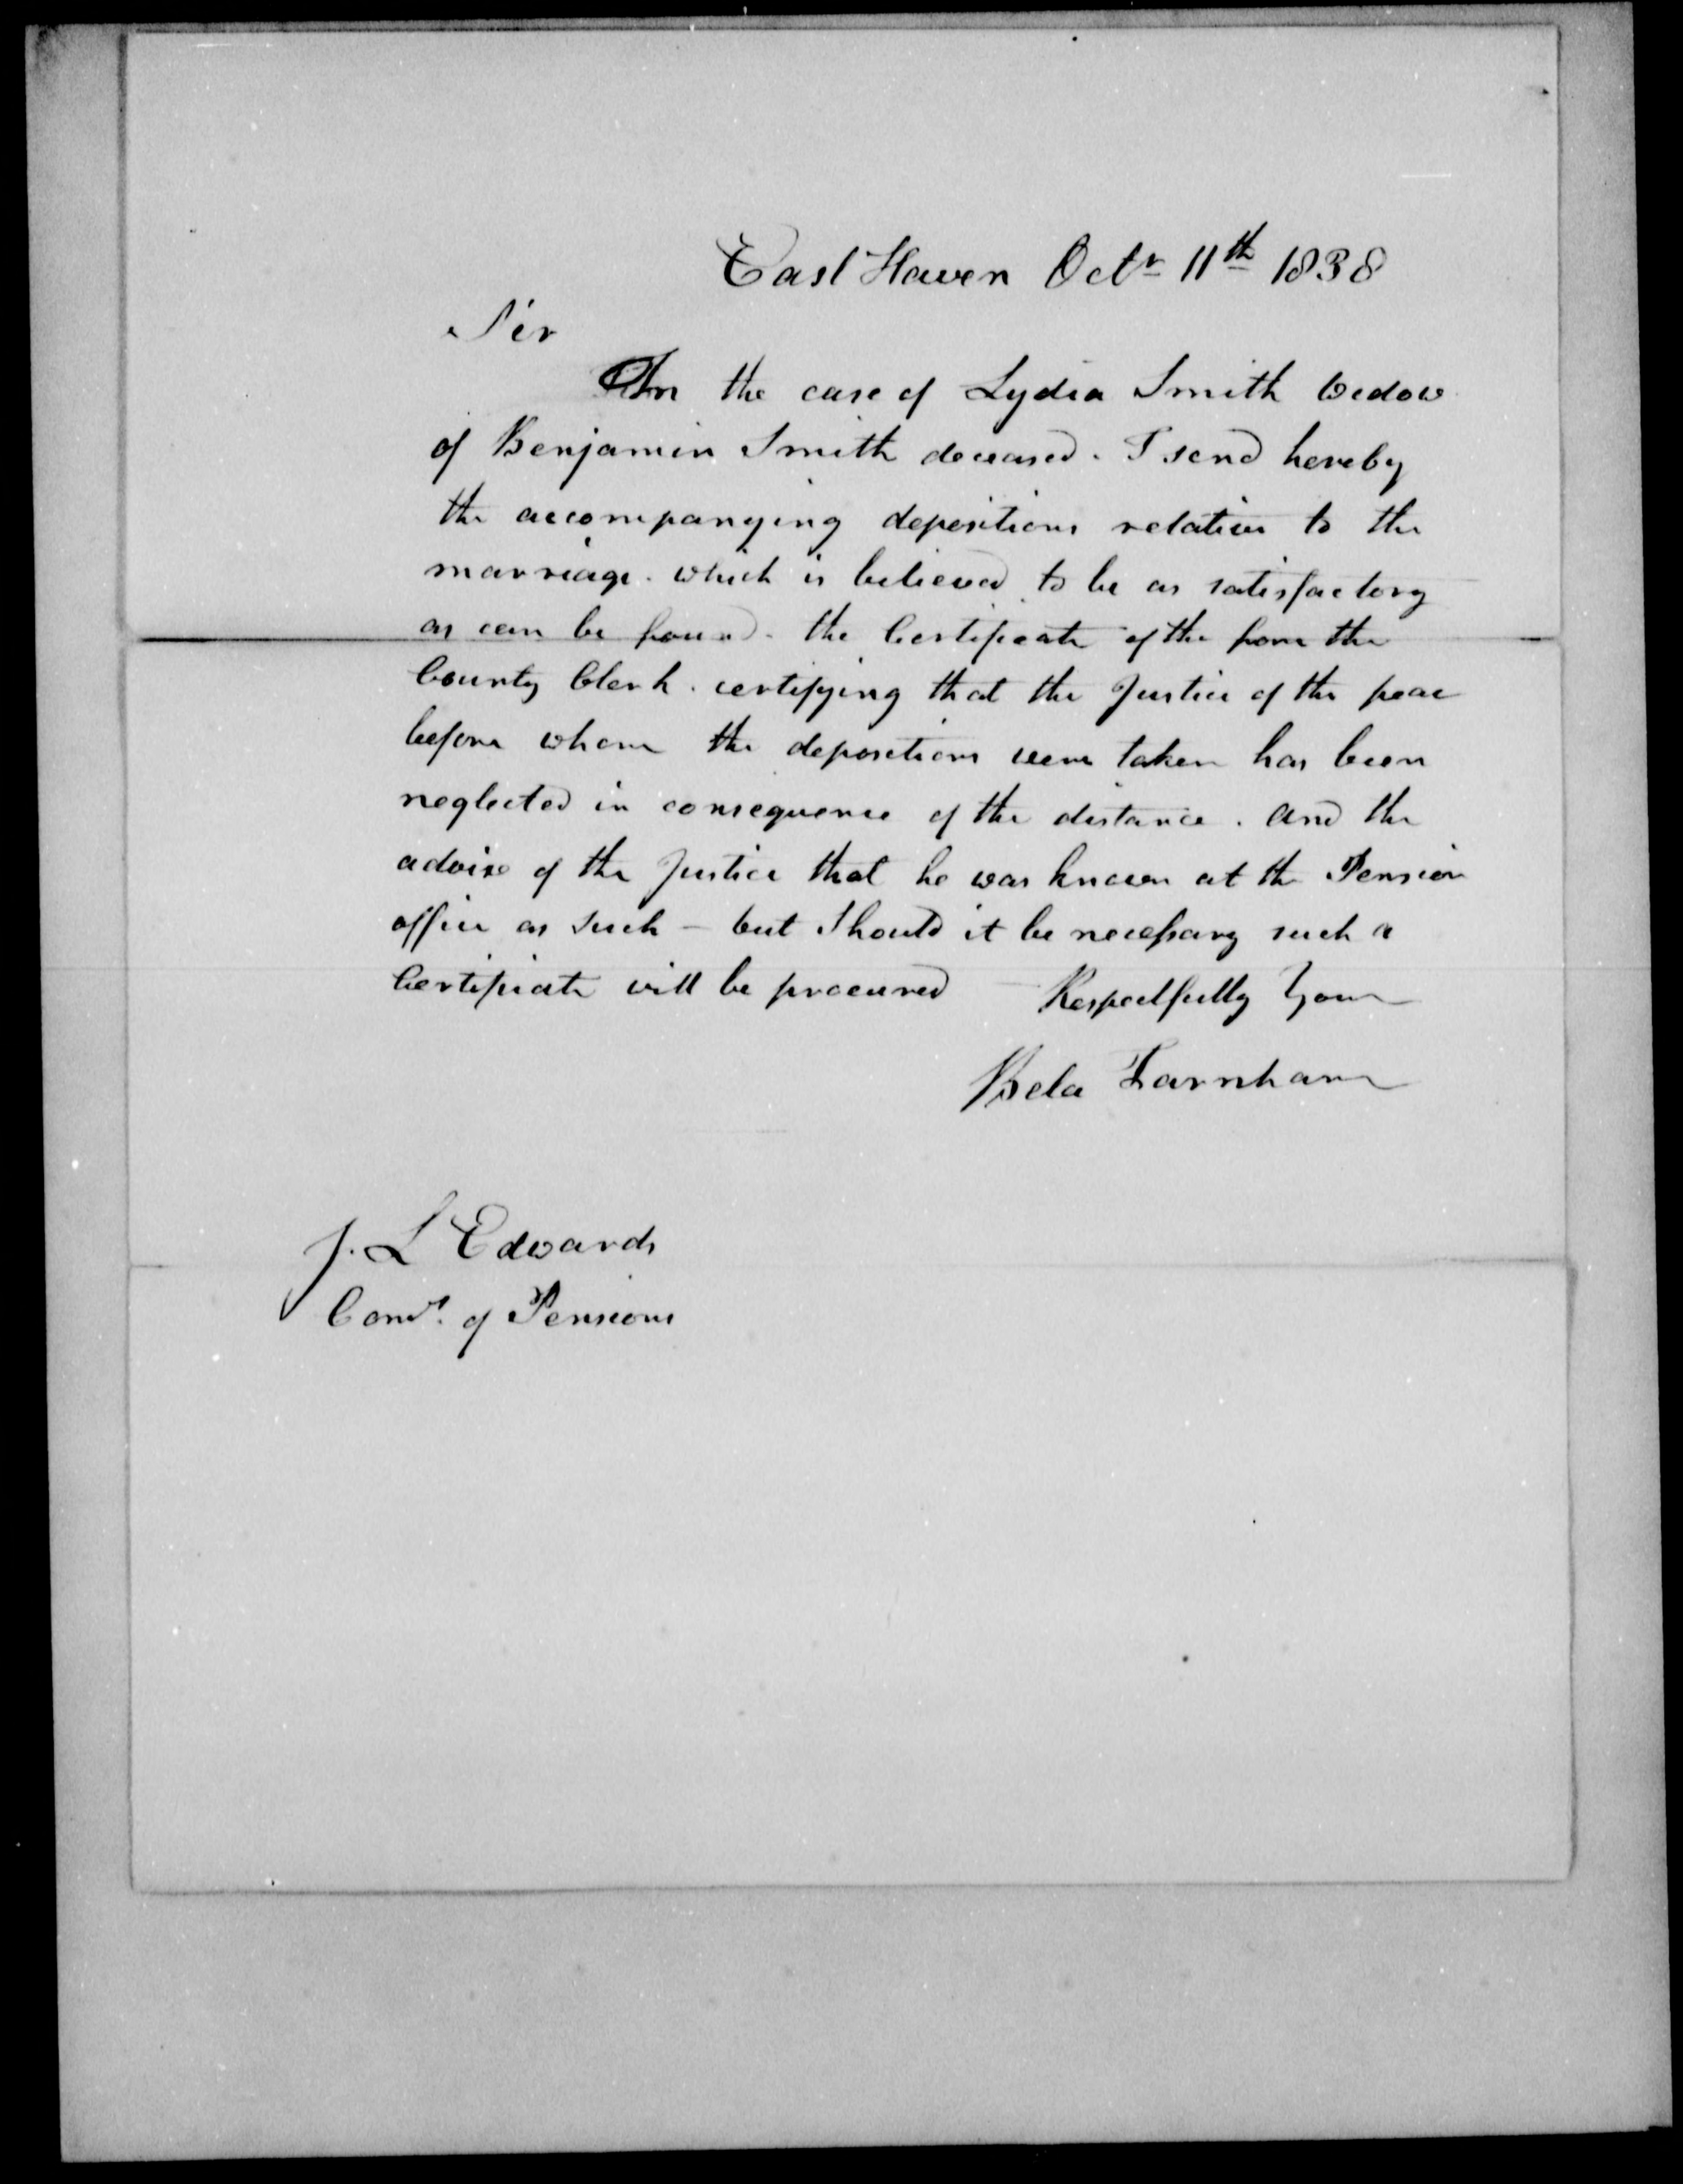East Haven Oct 11th 1838

Sir
In the case of Lydia Smith widow of Benjamin Smith deceased, I send hereby the accompanying depositions relative to the marriage which is believed to be as satisfactory as can be found. The certificate of the from the county clerk certifying that the Justice of the Peace before whom the depositions were taken has been neglected in consequence of the distance. And the advise of the Justice that he was known at the pension office as such. But should it be necessary such a certificate will be procured.
Respectfully yours
Bela Farnham

J. L. Edwards
Commissioner of Pensions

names: J L Edwards; Lydia Smith; Benjamin Smith; Bela Farnham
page: 17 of 19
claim: rejected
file: R 9792, for Benjamin Smith, Connecticut